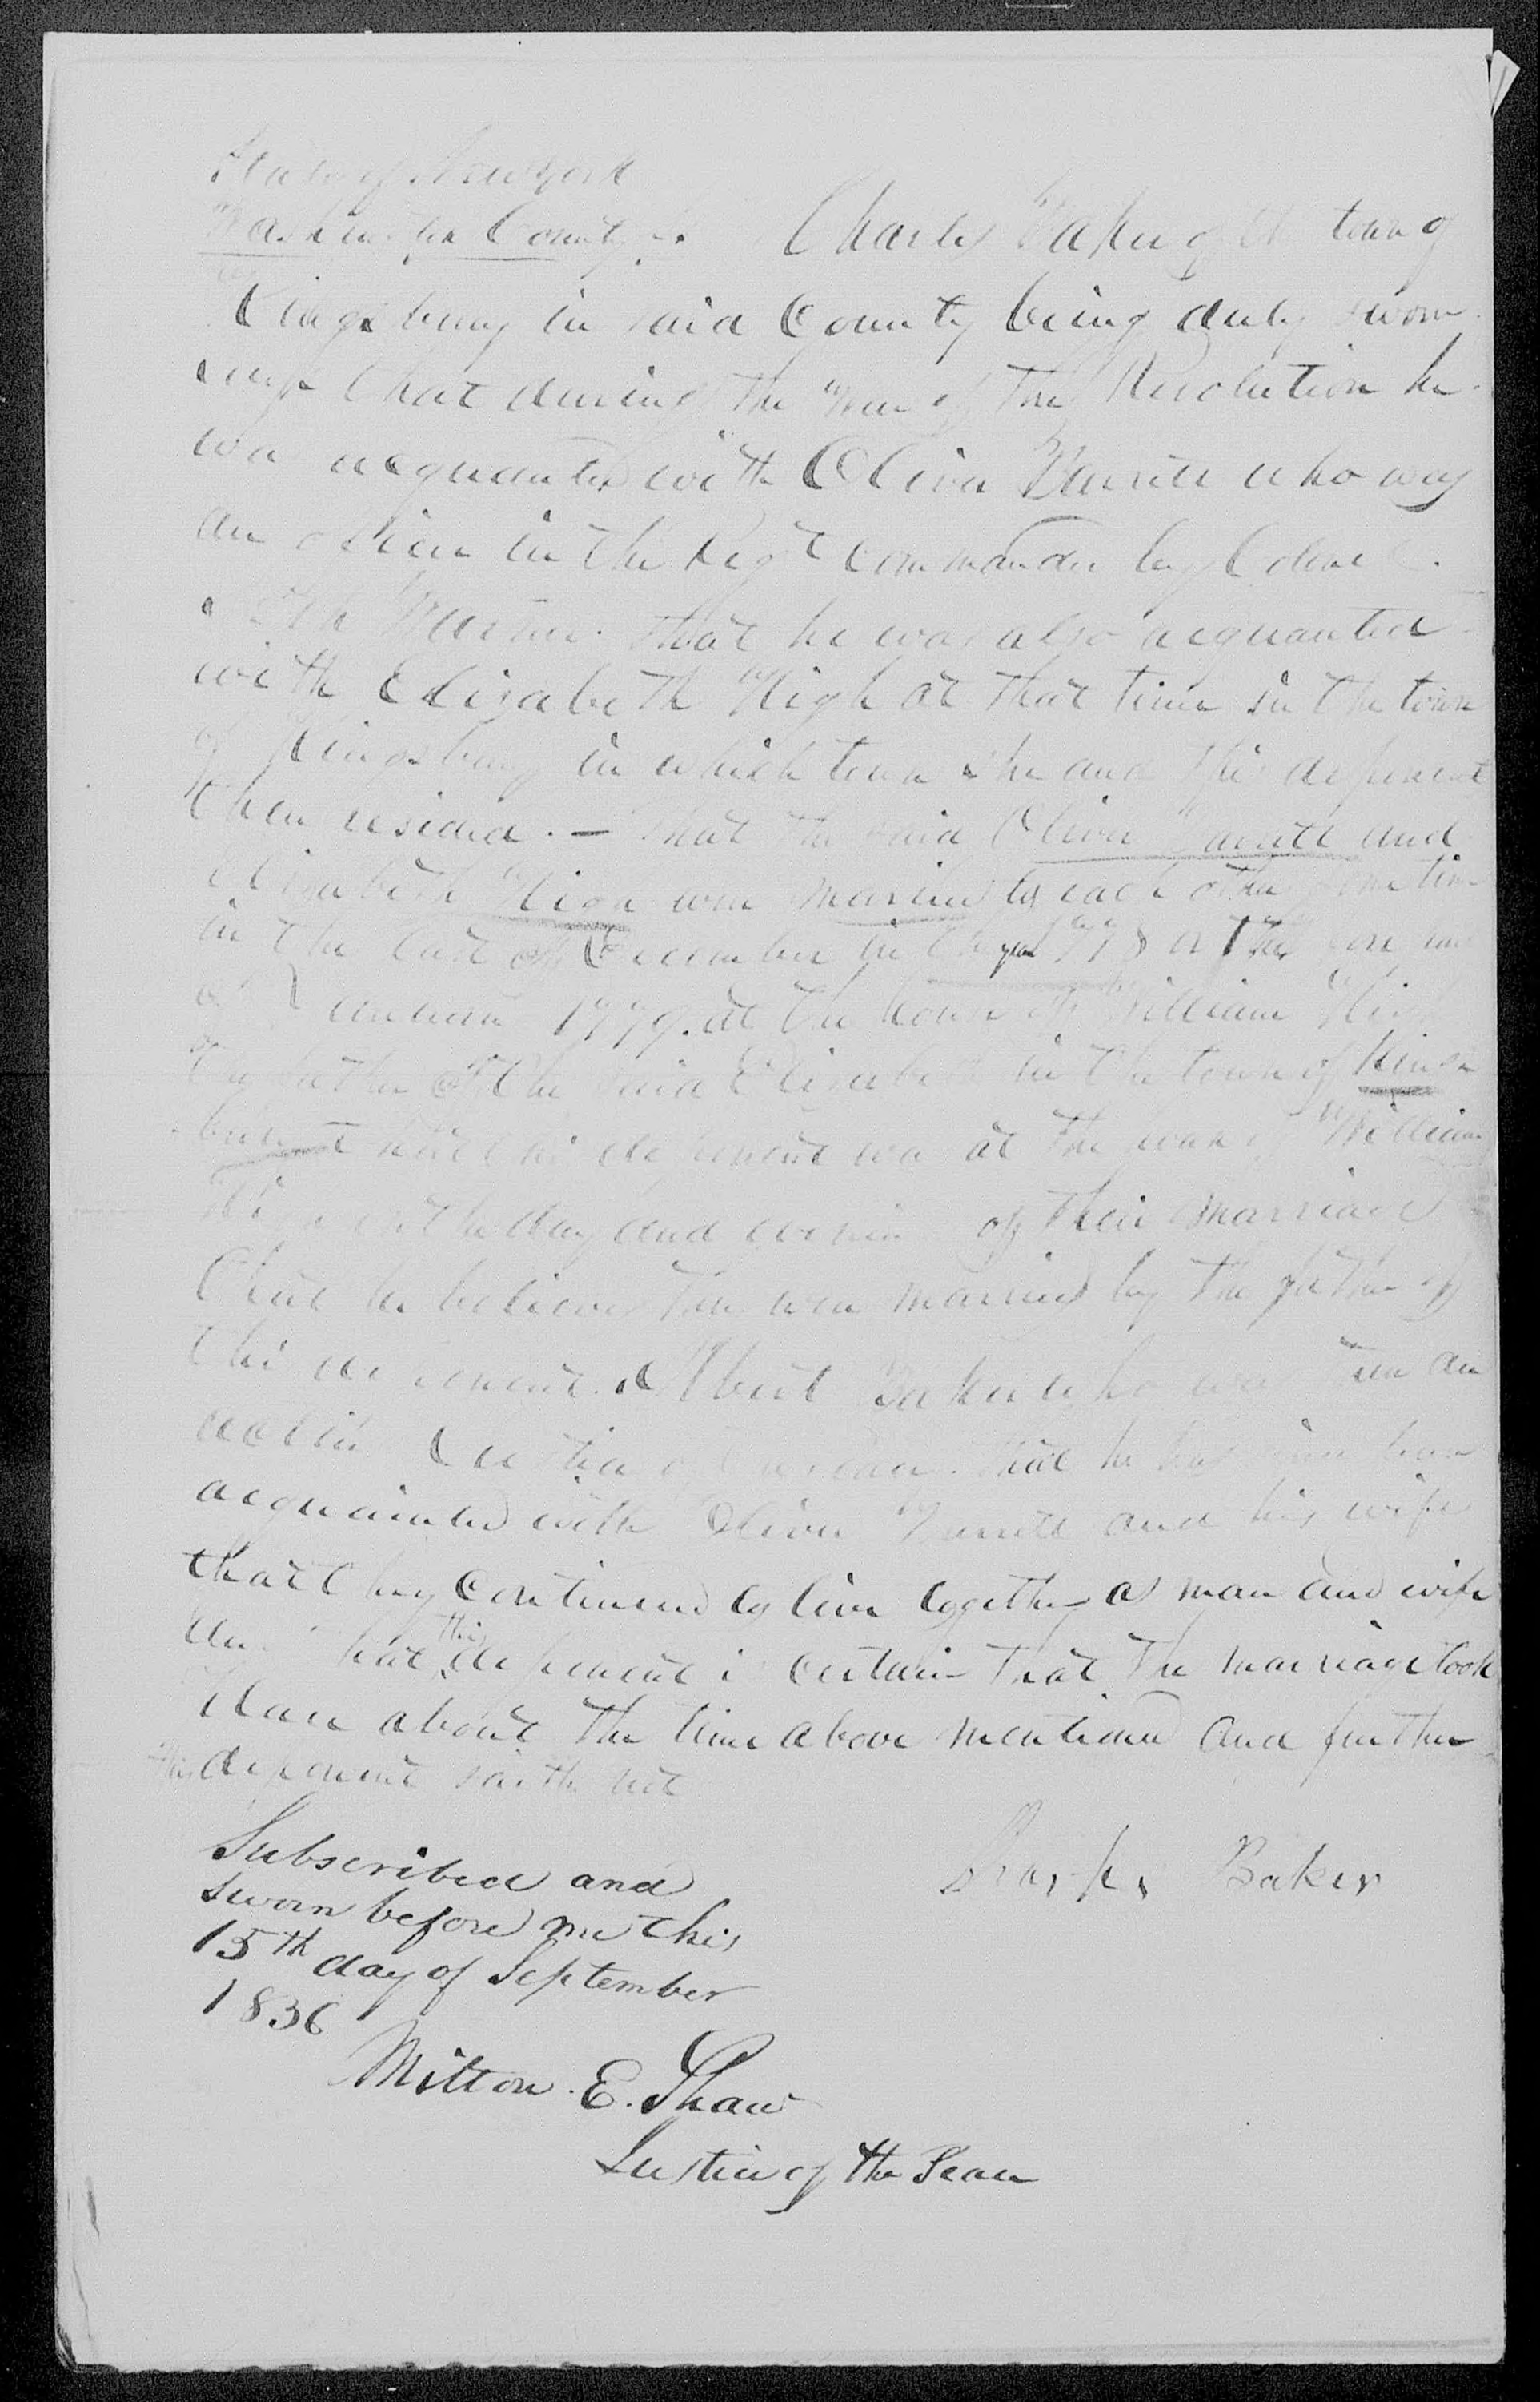State of New York
Washington County ss

Charles Baker town of Kingsbury in said County being duly sworn *** that during the War of the revolution he was acquainted with Oliver Barett who was an officer in the Regt commanded by Colonel *** Martin that he was also acquainted with Elizabeth High at that time in the town of Kingsbury in which time she and this deponent then resided. – that the said Oliver Barett and Elizabeth High were married to each other some time in thelast of December **  (the year 77) at the *** ** of **** 1779 at the house of William High.  Together the said Elizabeth in the town of Kingsbury.  **** the pe*** ** at the war,  The **** the day and certain of their marriage *** ** believe they were married y the father of [illegible ] who [illegible] [illegible] that he has [illegible] acquainted with Oliver Barrett and his wife that has continued by live together as man and wife and that he [illegible] certain that he was [illegible] took {illegible] about the time above mentioned and further deponent saith not.

Charles Baker
 
Subscribed and sworn before me this 15th day of September 1836
Milton E. Shaw
Justice of the Peace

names: Elizabeth High, Oliver Barrett, Charles Baker, William High, William High, Oliver Barrett, Martin, Elizabeth High, Milton E Shaw, Elizabeth, Oliver Barrett, Charles Baker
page: 62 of 83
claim: widow's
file: W. 10,384, Oliver Barrett, Continental (Vt.) N.Y.